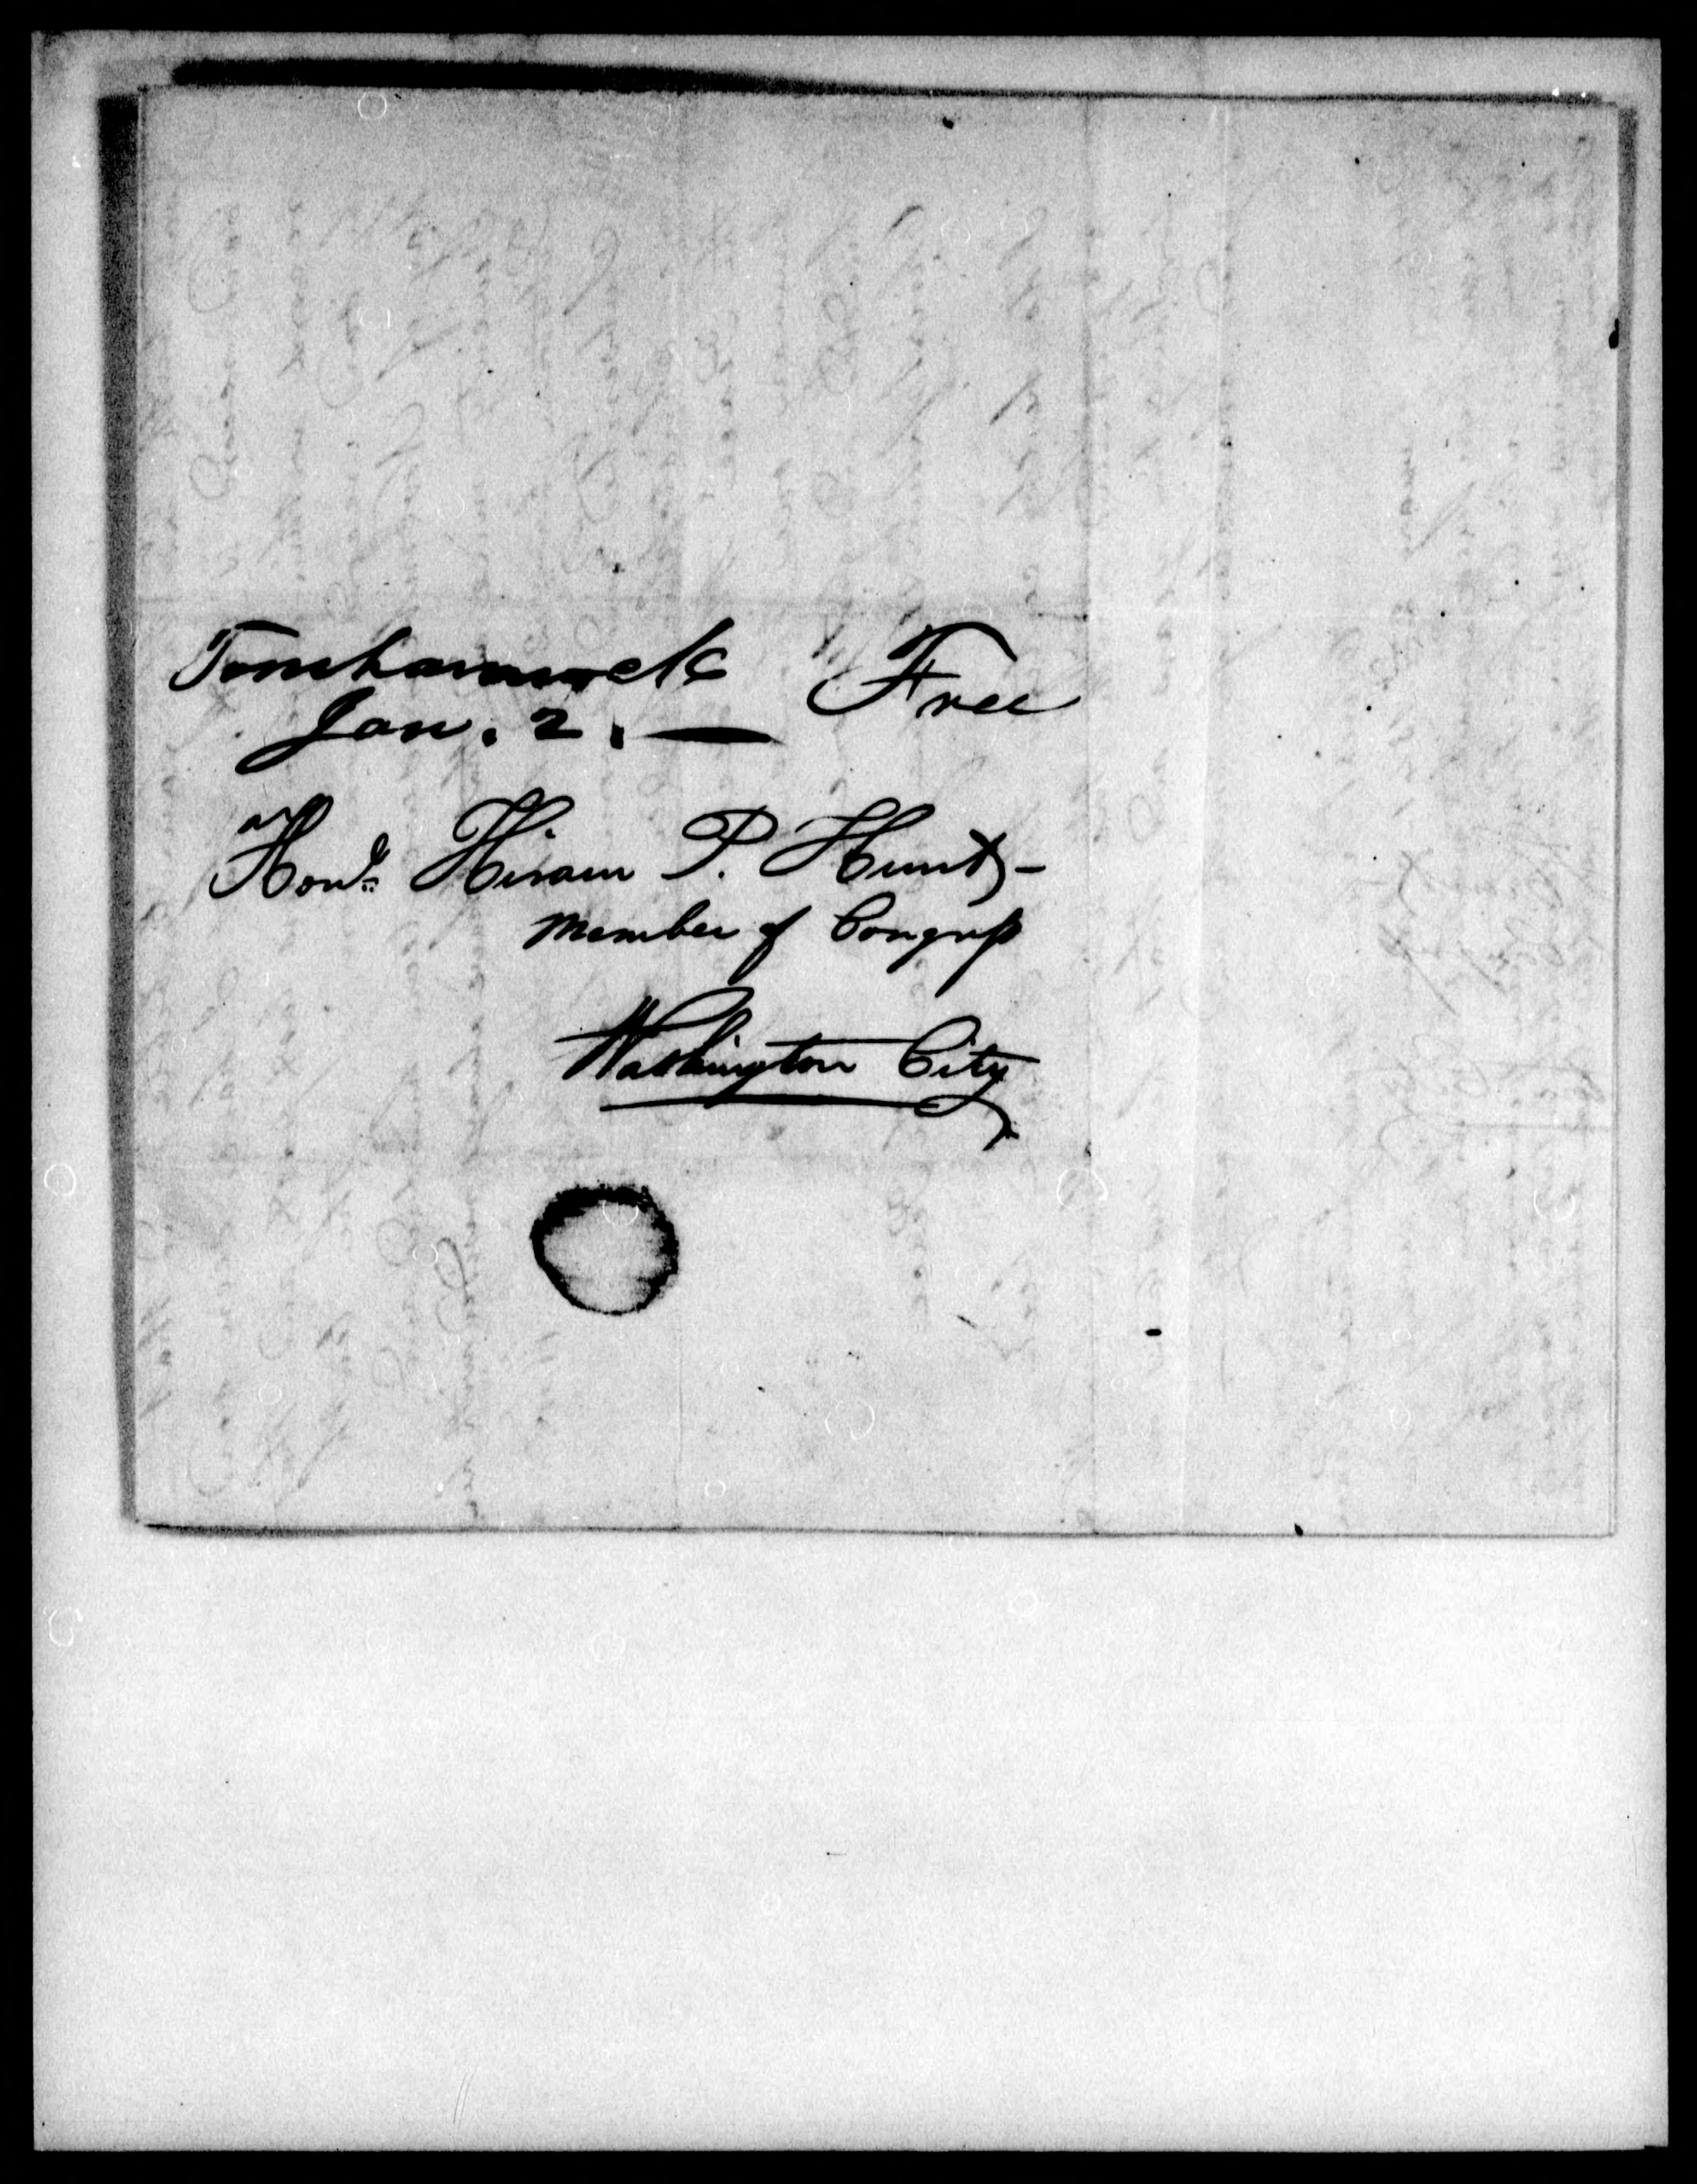Free

Tomhannock Jan. 2

Honl Hiram P. Hunt -
Member of Congress
Washington City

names: Hiram P Hunt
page: 13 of 102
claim: widow's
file: W. 18239, Isaac Van Wart, New York